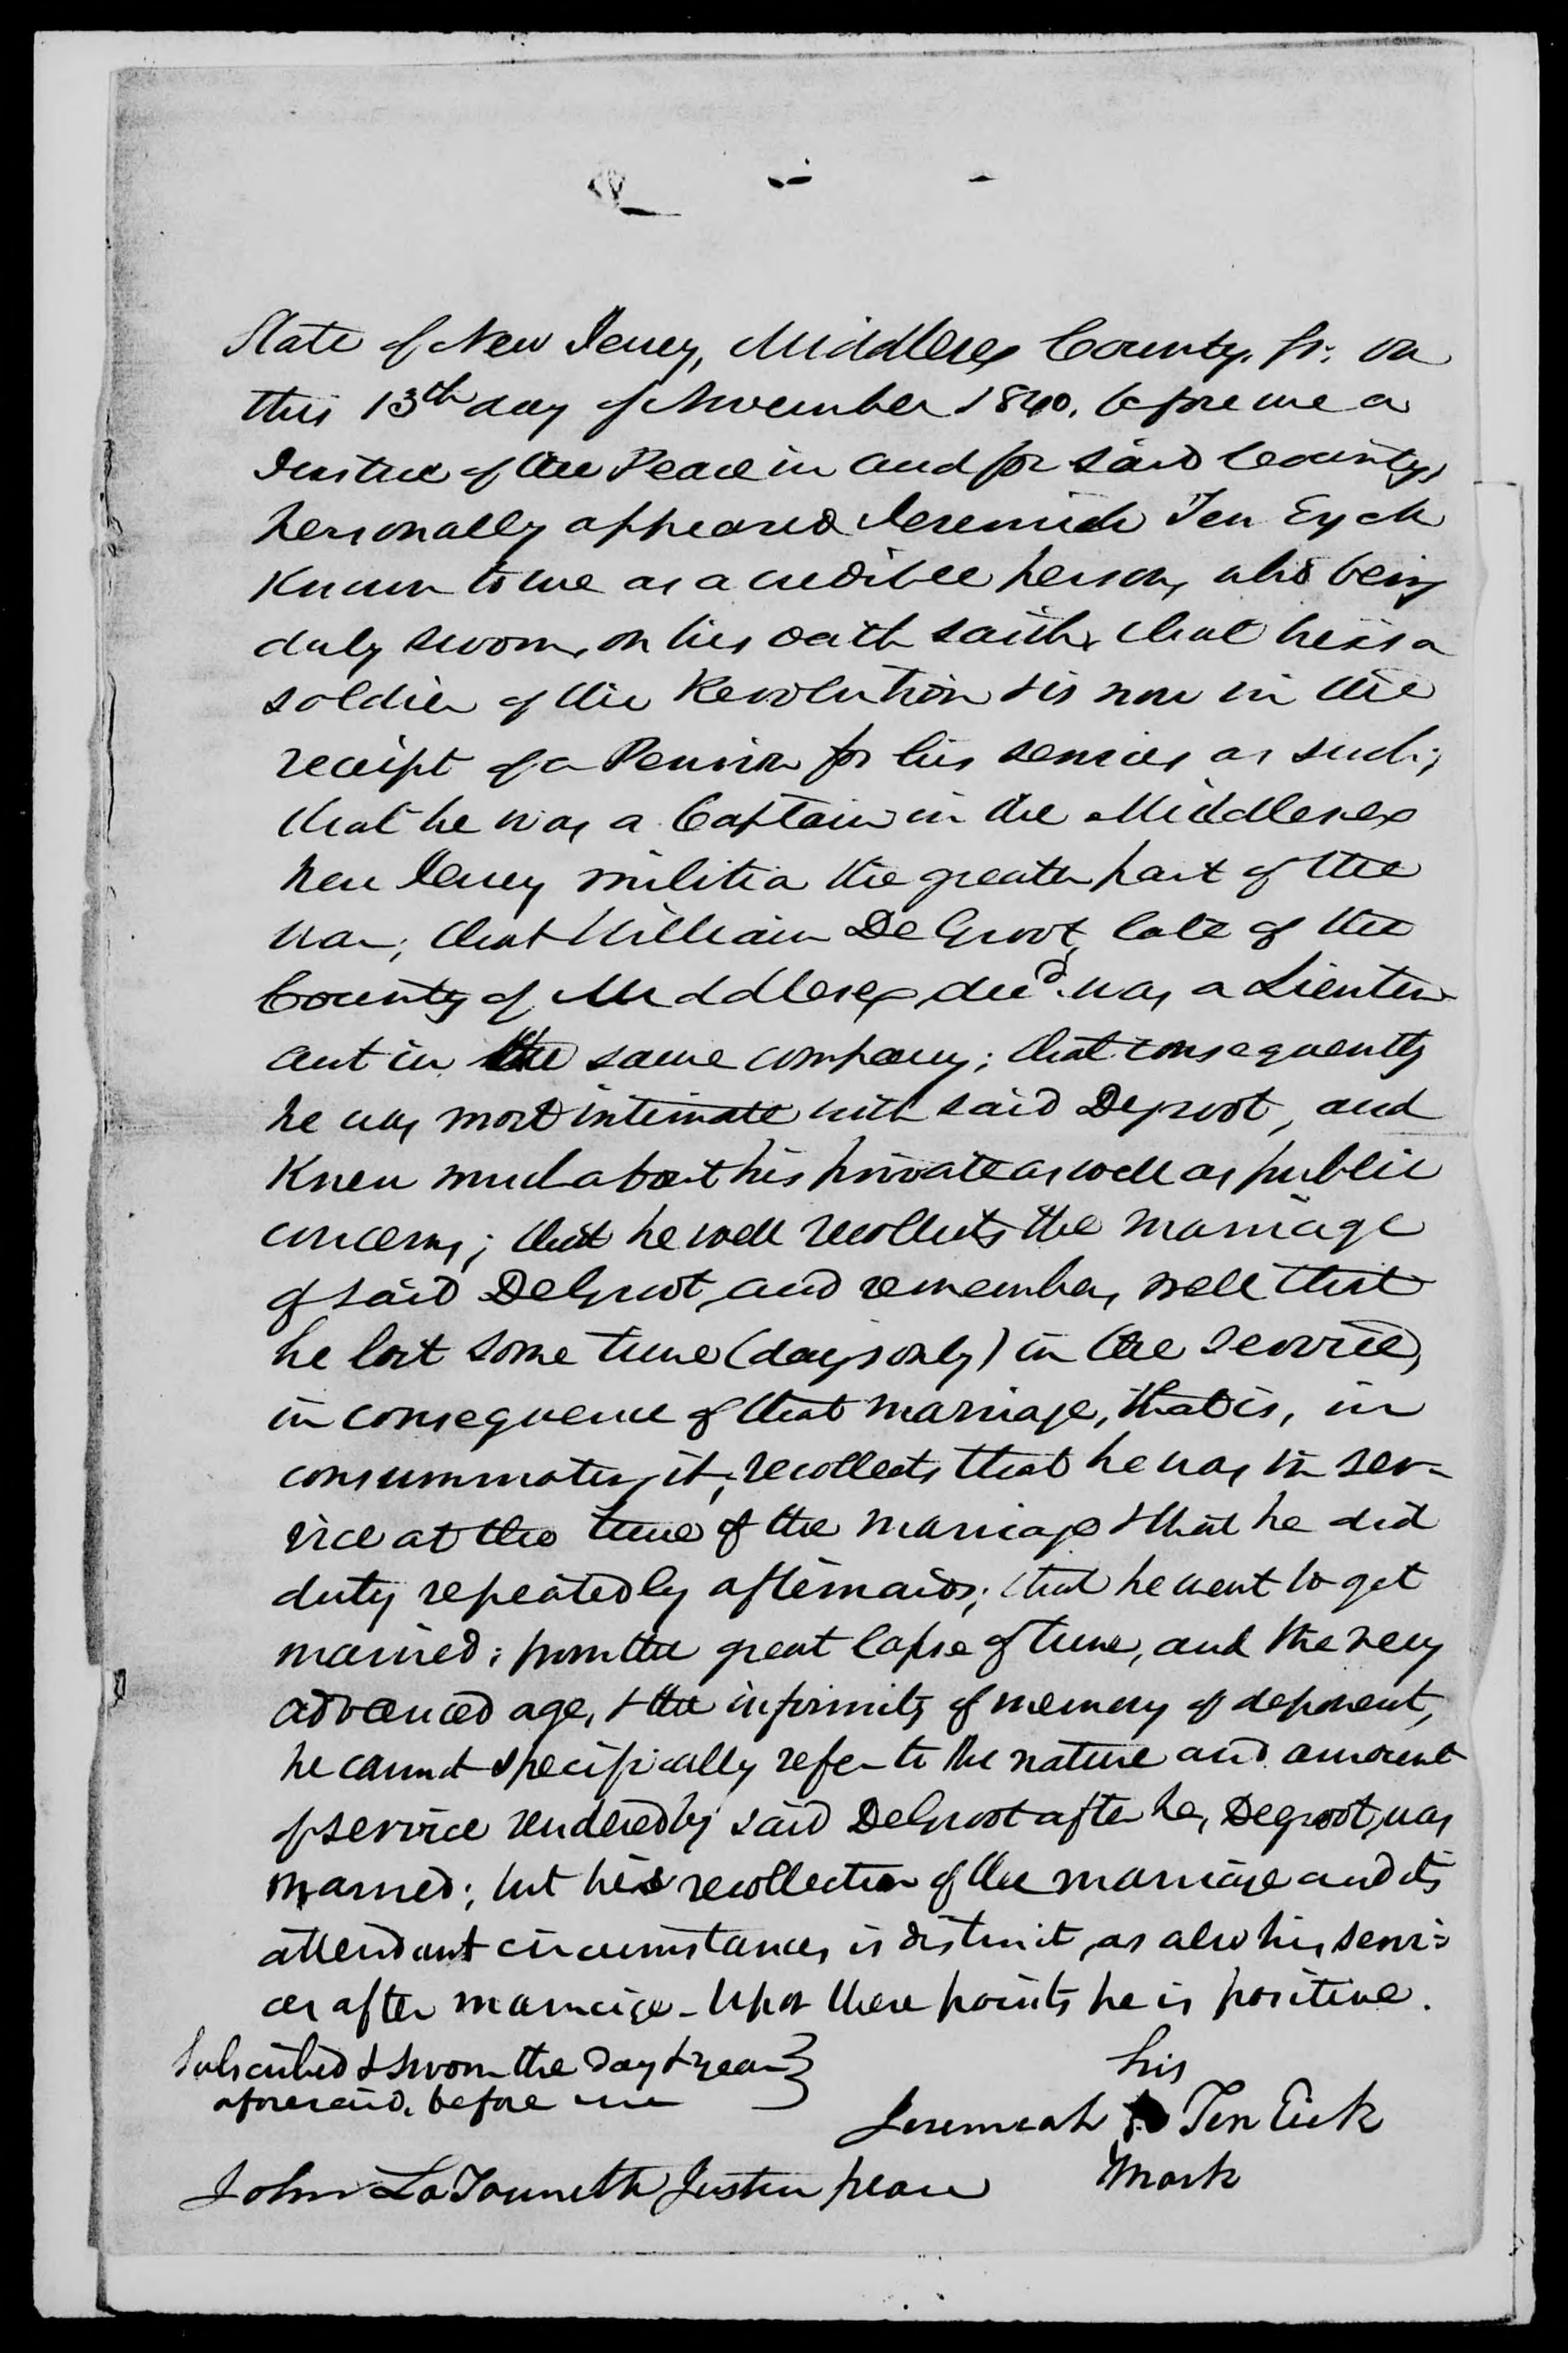State of New Jersey, Middlesex County ss:  On this 13th day of November 1840, before me a Justice of the Peace in and for said County personally appeared Jeremiah Ten Eyck known to me as a credible person, also being duly sworn on his oath saith that he is a soldier of the Revolution & is now in due receipt of a Pension for his services as such; that he was a Captain in the Middlesex New Jersey Militia the greater part of the war; that William De Groot late of the County of Middlesex dec'd was a Lieutenant in the same company; that consequently he was most intimate with said Degroot and knew much about his private as well as public concerns; that he well recollects the marriage of said DeGroot and remembers well that he lost some time (days only) in the service, in consequence of that marriage, that is, in consummating it, recollects that he was in service at the time of the marriage & that he did duty repeatedly afterwards; that he went to get married; from the great lapse of time, and the very advanced age & the infirmity of memory of deponent, he cannot specifically refer to the nature and amount of service rendered by said De Groot after he, Degroot, was married; but his recollection of the marriage and its attendant circumstances is distinct, as also his services after marriage - upon these points he is positive.  [signed with an "X"] Jeremiah Ten Eick his Mark
Subscribed & sworn the day & year aforesaid, before me [signed] John La Tourette Justice peace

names: De Groot, Jeremiah Ten Eyck, John La Tourrette, Jeremiah Ten Eick, De Groot, De Groot, William De Groot, De Grot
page: 47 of 77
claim: widow's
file: W. 417, William De Groot, New Jersey